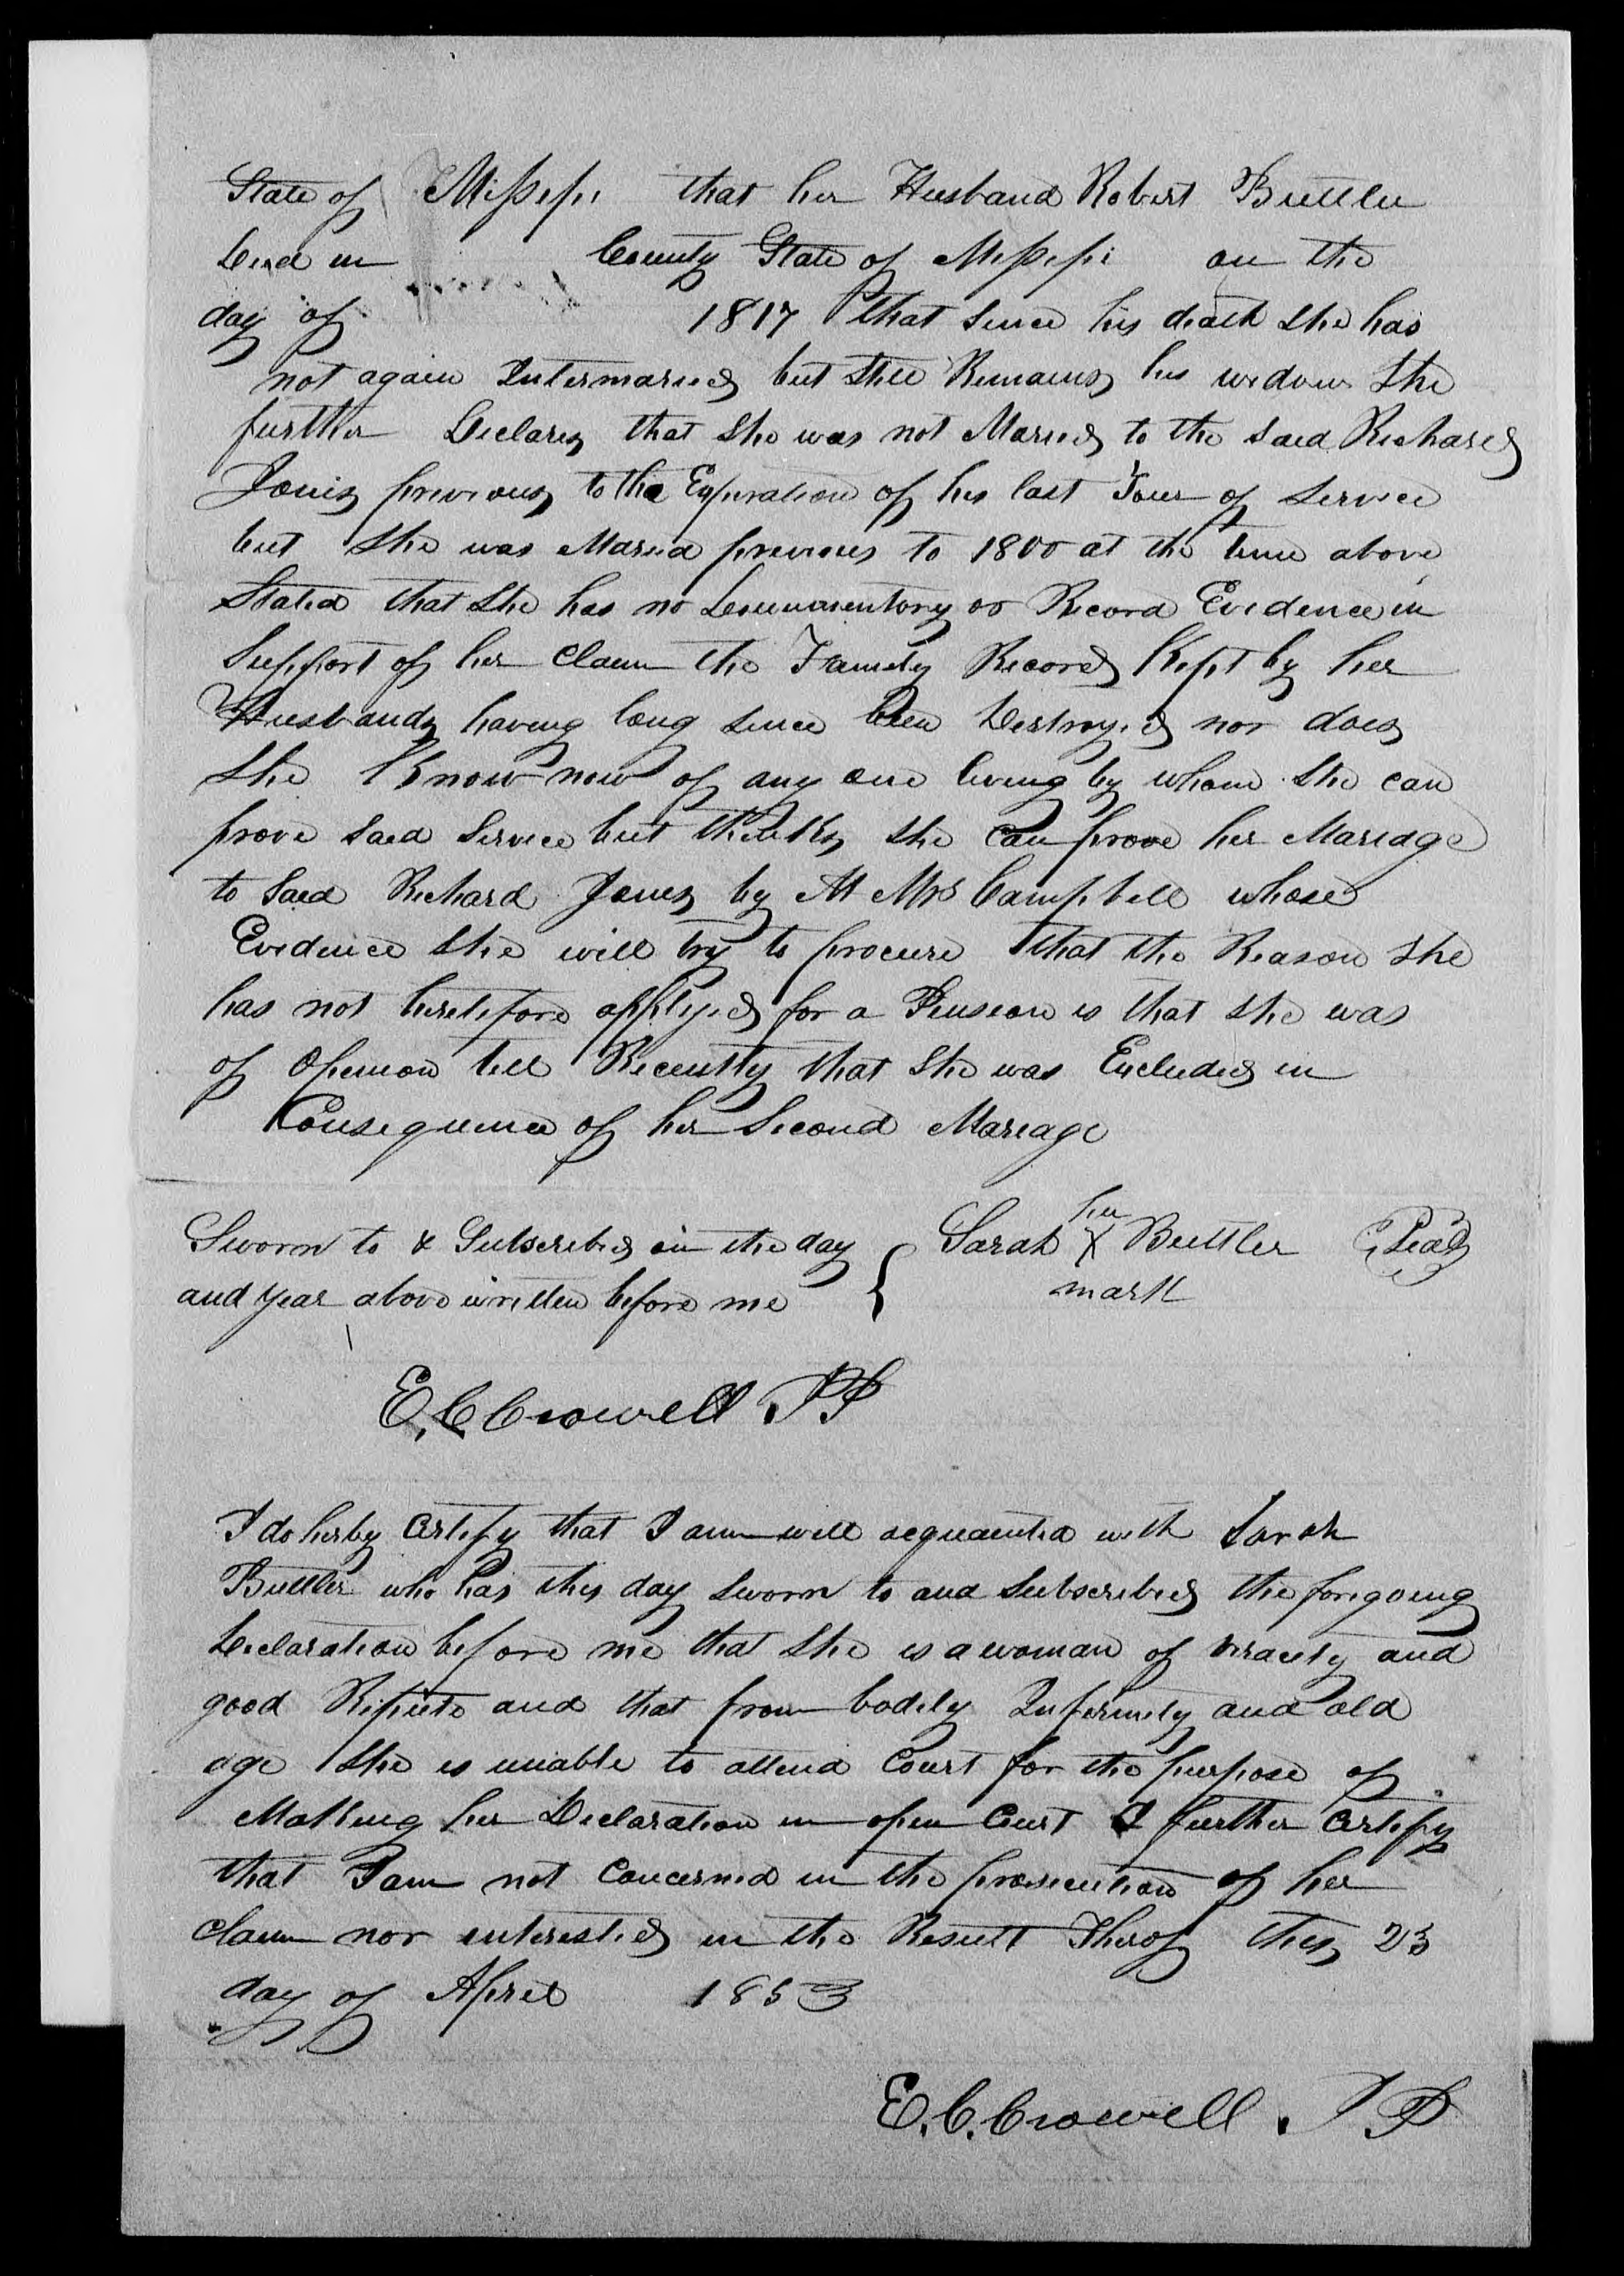State of Mississippi that her Husband Robert Butler lived in      County State of Mississippi on the day of             1817 that since his death she has not again Intermarried but still Remains his widow.  She further declares that she was not Married to the said Richard Jones previous to the Expiration of his last tour of service but she was Married previous to 1800 at the time above Stated that she has no Leave inventory or Record Evidence in Support of her claim the Family Record Kept by her Husband having long since been Destroyed nor does She know now of any one living by whom She can prove Said Service but thinks she can prove her Marriage to Said Richard Jones by  Mrs. Campbell whose Evidence she will try to procure that the Reason she has not heretofore applied for a Pension is that she was of opinion till Recently tht she was Excluded in Consequence of her Second Marriage.

Sworn to & Subscribed in the day
and year above written before me

        her
Sarah X Butler    [Seal]
        mark

E. C. Crowell JP

I do hereby certify that I am well acquainted with Butler who has this day sworn to and subscribed the foregoing Declaration before me that She is a woman of veracity and good R[illegible] and that from bodily Infirmity and old age she is unable to attend Court for the purpose of Making her Declaration in open court. I further certify that I am not concerned in the prosecution of her claim nor interested in the Result Thereof this 23 day of April 1853.

E.C. Crowell, J. P.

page: 6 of 33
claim: rejected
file: R. 1554, for Richard Jones, North Carolina